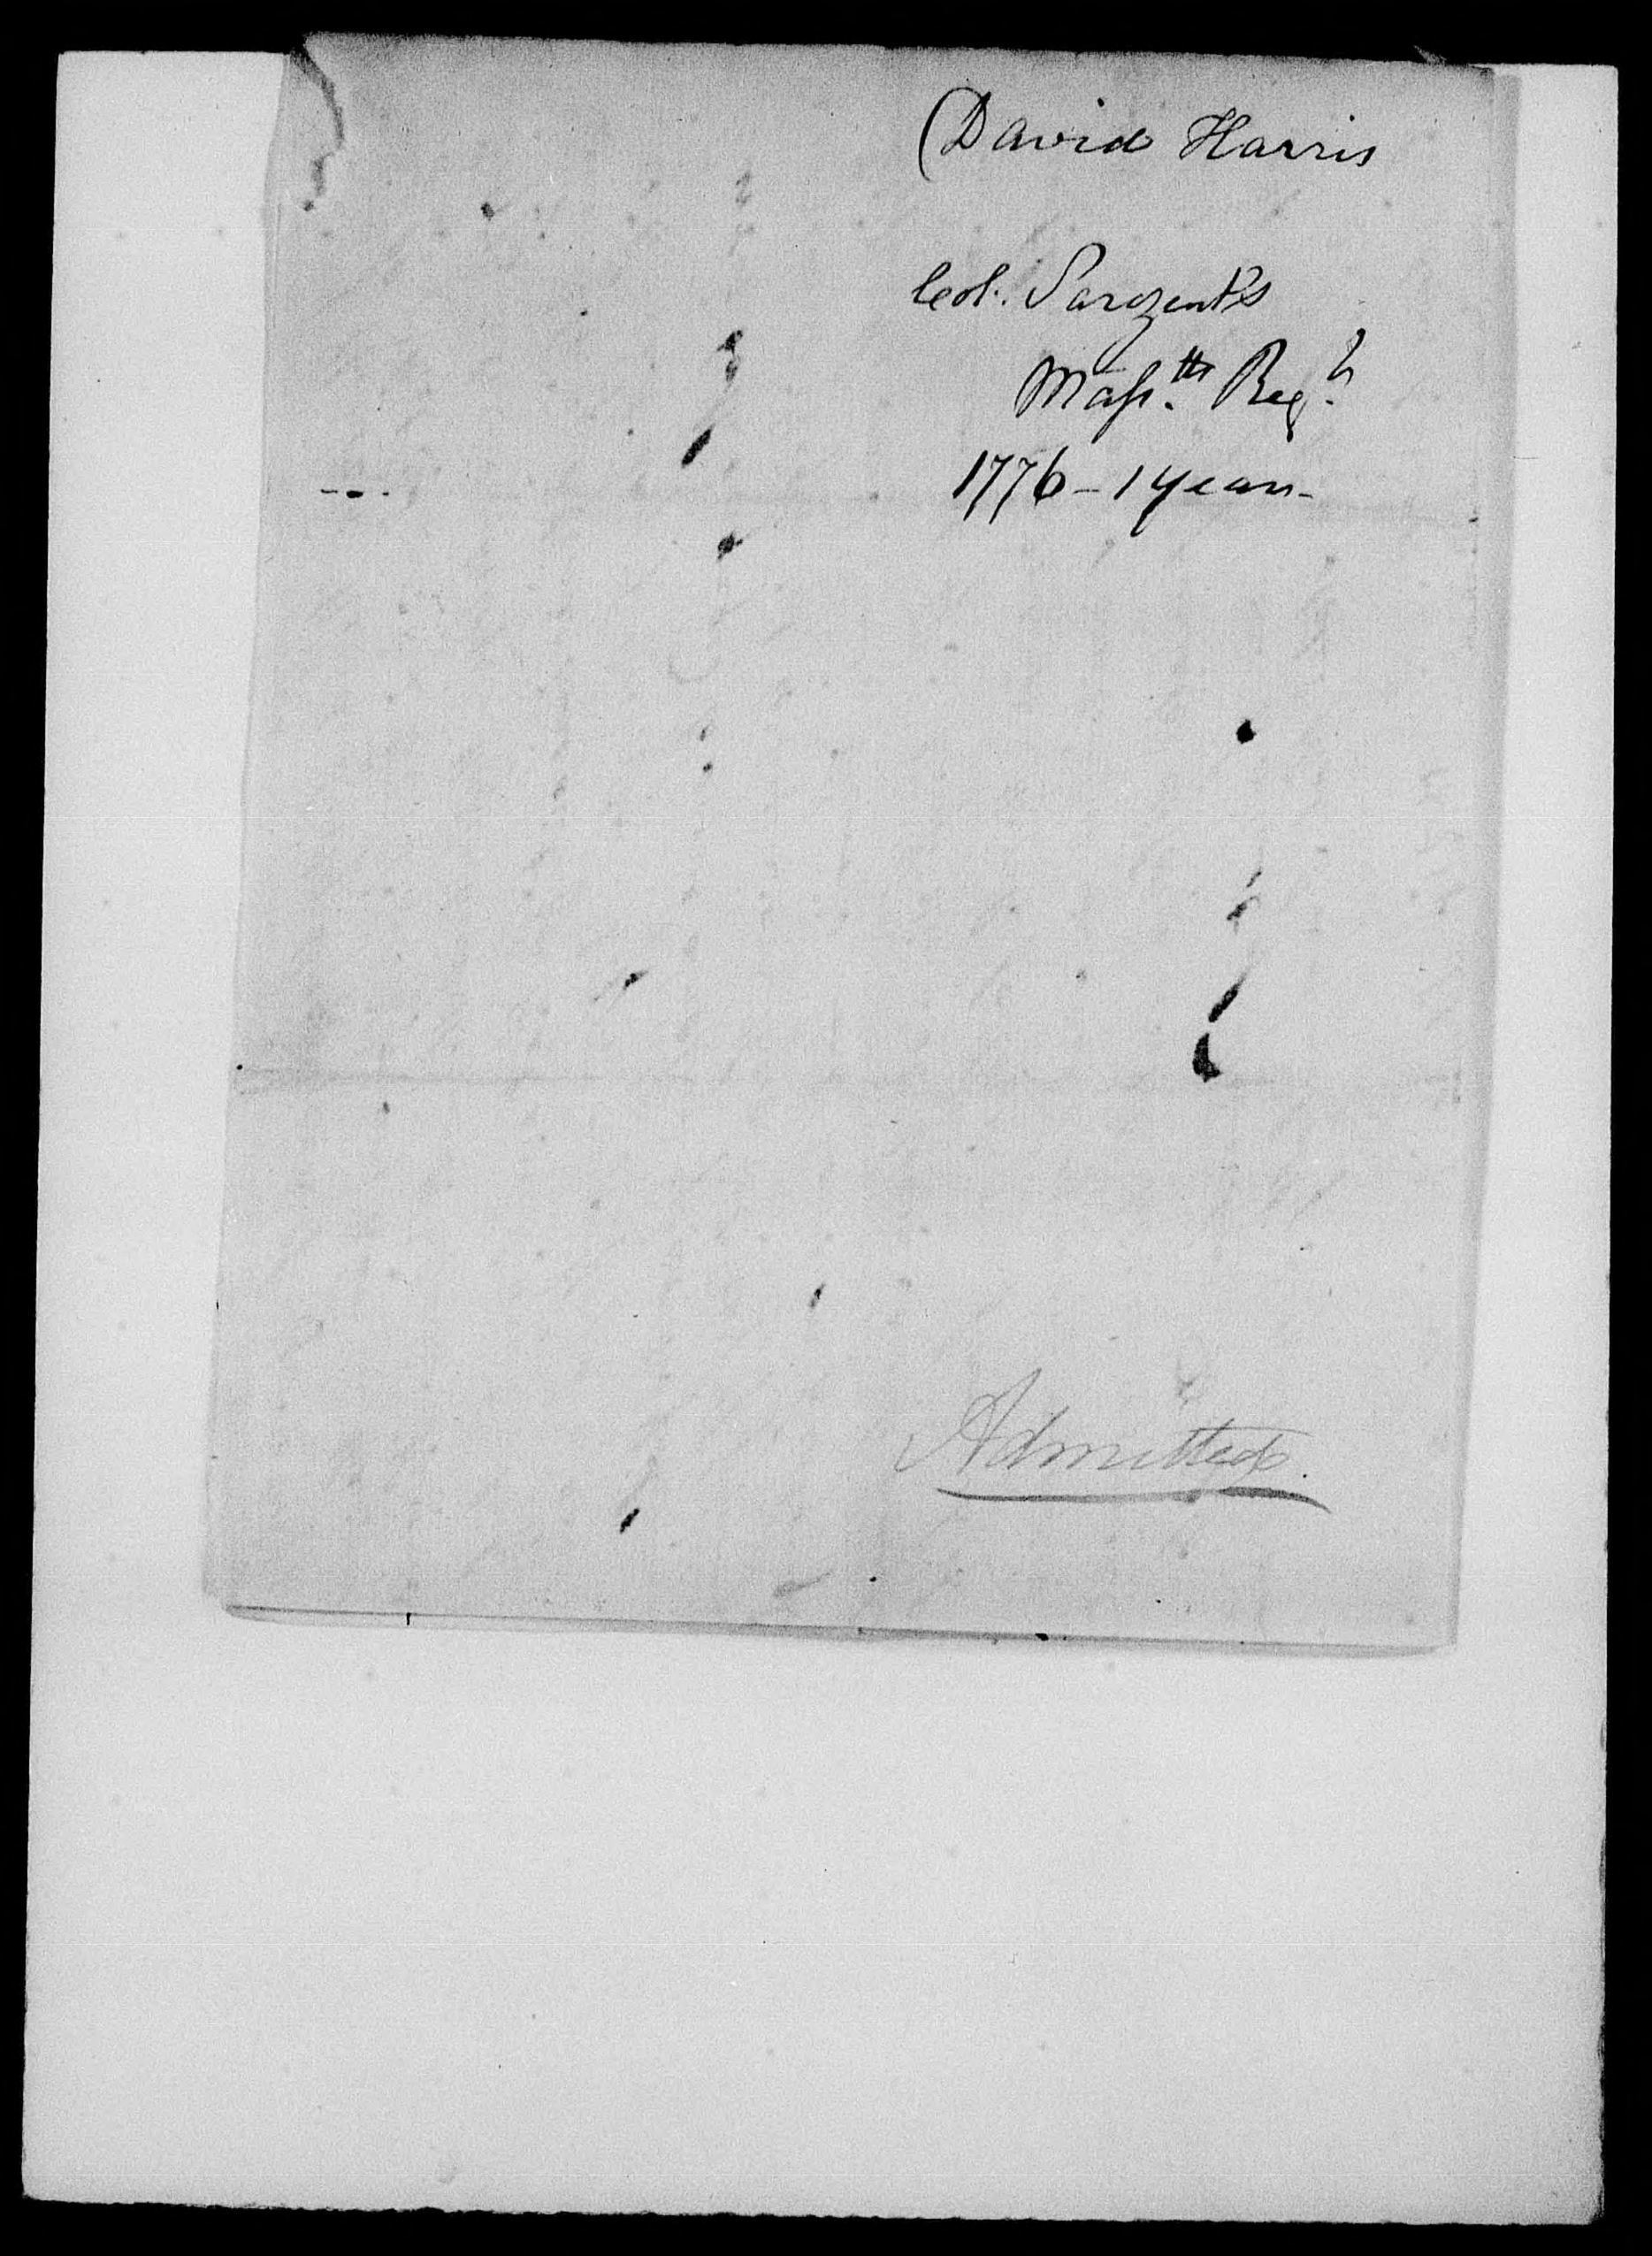David Harris
Col. Sargents
Mass. Reg.
1776 
1 year

Admitted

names: David Harris, Sargent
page: 9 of 11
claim: survivor's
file: S. 44393, David Harris, Mass.